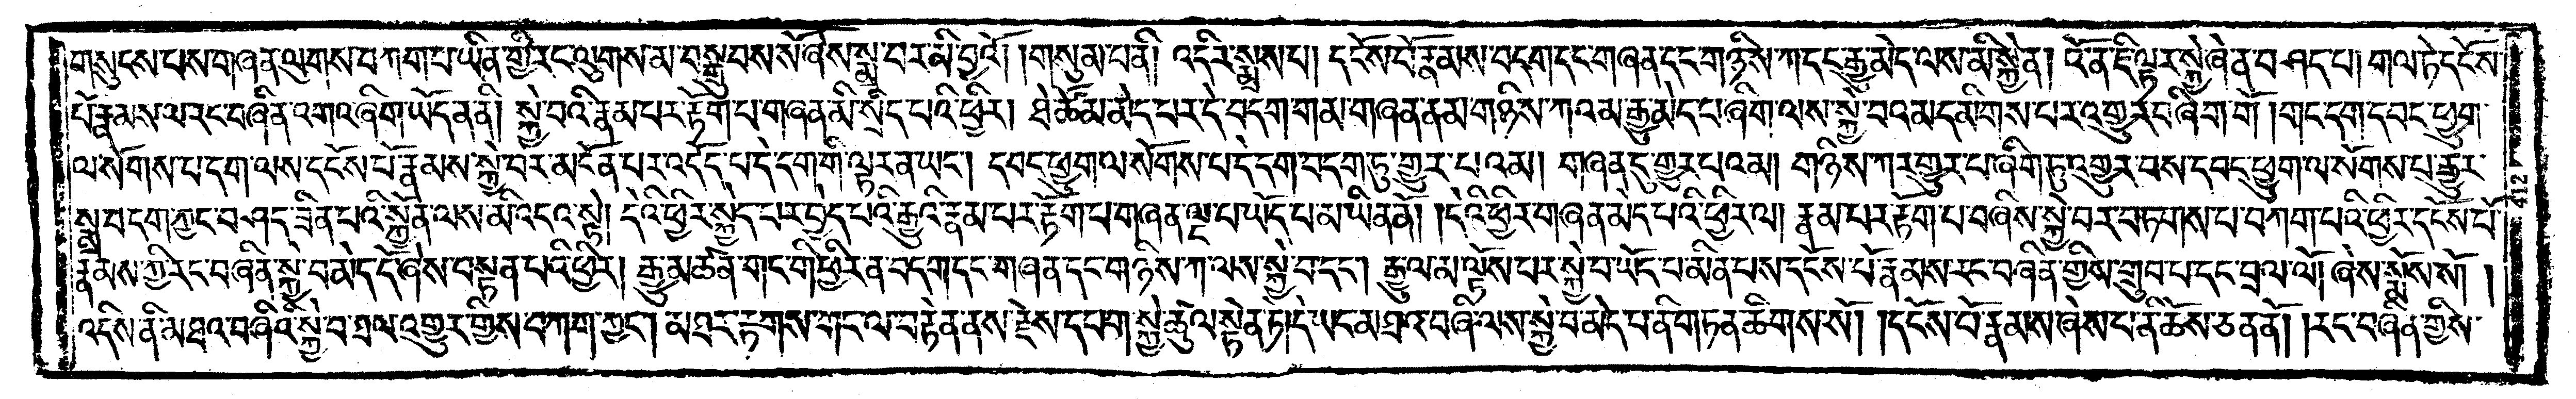གསུངས་པས་གཞན་ལུགས་བཀག་པ་ཡིན་གྱི་རང་ལུགས་མ་བསྒྲུབས་སོ་ཞེས་སྨྲ་བར་མི་བྱའོ། །གསུམ་པ་ནི། འདིར་སྨྲས་པ། དངོས་པོ་རྣམས་བདག་དང་གཞན་དང་གཉིས་ཀ་དང་རྒྱུ་མེད་ལས་མི་སྐྱེ་ན། འོ་ན་ཇི་ལྟར་སྐྱེ་ཞེ་ན་བཤད་པ། གལ་ཏེ་དངོས་
པོ་རྣམས་ལ་རང་བཞིན་འགའ་ཞིག་ཡོད་ན་ནི། སྐྱེ་བའི་རྣམ་པར་རྟོག་པ་གཞན་མི་སྲིད་པའི་ཕྱིར། ཐེ་ཚོམ་མེད་པར་དེ་བདག་གམ་གཞན་ནམ་གཉིས་ཀའམ་རྒྱུ་མེད་པ་ཞིག་ལས་སྐྱེ་བའམ་དམིགས་པར་འགྱུར་བ་ཞིག་གོ །གང་དག་དབང་ཕྱུག་
ལ་སོགས་པ་དག་ལས་དངོས་པོ་རྣམས་སྐྱེ་བར་མངོན་པར་འདོད་པ་དེ་དག་གི་ལྟར་ན་ཡང་། དབང་ཕྱུག་ལ་སོགས་པ་དེ་དག་བདག་ཏུ་གྱུར་པའམ། གཞན་དུ་གྱུར་པའམ། གཉིས་ཀར་གྱུར་པ་ཞིག་ཏུ་འགྱུར་བས་དབང་ཕྱུག་ལ་སོགས་པ་རྒྱུར་
སྨྲ་བ་དག་ཀྱང་བཤད་ཟིན་པའི་སྐྱོན་ལས་མི་འདའ་སྟེ། དེའི་ཕྱིར་སྐྱེད་པར་བྱེད་པའི་རྒྱུའི་རྣམ་པར་རྟོག་པ་གཞན་ལྔ་པ་ཡོད་པ་མ་ཡིན་ནོ། །དེའི་ཕྱིར་གཞན་མེད་པའི་ཕྱིར་ལ། རྣམ་པར་རྟོག་པ་བཞིས་སྐྱེ་བར་བཏགས་པ་བཀག་པའི་ཕྱིར་དངོས་པོ་
རྣམས་ཀྱི་རང་བཞིན་སྐྱེ་བ་མེད་དོ་ཞེས་བསྟན་པའི་ཕྱིར། རྒྱུ་མཚན་གང་གི་ཕྱིར་ན་བདག་དང་གཞན་དང་གཉིས་ཀ་ལས་སྐྱེ་བ་དང་། རྒྱུ་ལམ་ལྟོས་པར་སྐྱེ་བ་ཡོད་པ་མིན་པས་དངོས་པོ་རྣམས་རང་བཞིན་གྱིས་གྲུབ་པ་དང་བྲལ་ལོ། ཞེས་སྨོས་སོ།།
འདིས་ནི་མཐའ་བཞིའི་སྐྱེ་བ་ཐལ་འགྱུར་གྱིས་བཀག་ཀྱང་། མཐར་རྟགས་གང་ལ་བརྟེན་ནས་རྗེས་དཔག་སྐྱེ་ཚུལ་སྟོན་ཏེ། དེ་ཡང་མཐའ་བཞི་ལས་སྐྱེ་བ་མེད་པ་ནི་གཏན་ཚིགས་སོ། །དངོས་པོ་རྣམས་ཞེས་པ་ནི་ཆོས་ཅན་ནོ། །རང་བཞིན་གྱིས་